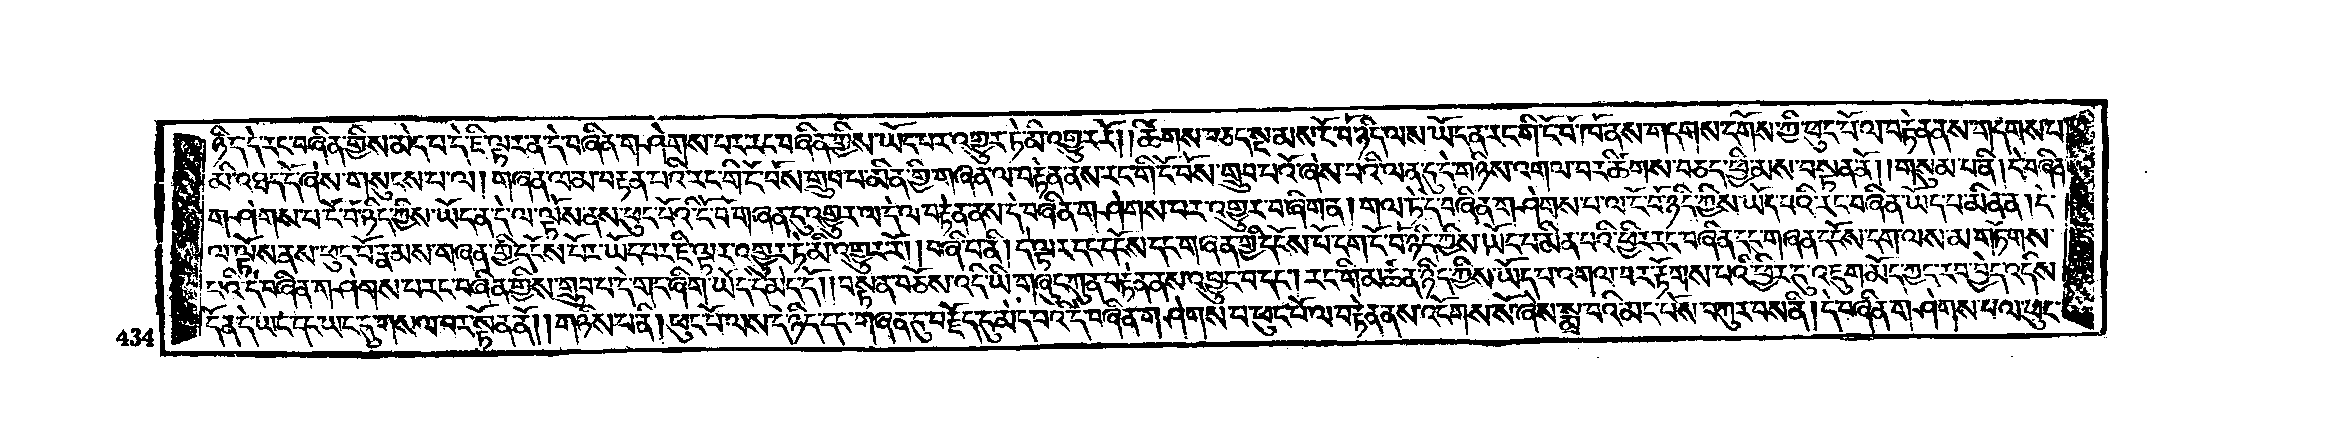ཉིད་དེ་རང་བཞིན་གྱིས་མེད་པ་དེ་ཇི་ལྟར་ན་དེ་བཞིན་གཤེགས་པར་རང་བཞིན་གྱིས་ཡོད་པར་འགྱུར་ཏེ་མི་འགྱུར་རོ། །ཚིགས་བཅད་སྔ་མས་ངོ་བོ་ཉིད་ལས་ཡོད་ན་རང་གི་ངོ་བོ་ཁོ་ནས་གདགས་དགོས་ཀྱི་ཕུང་པོ་ལ་བརྟེན་ནས་གདགས་པ་
མི་འཐད་དོ་ཞེས་གསུངས་པ་ལ། གཞན་ལ་མ་བརྟན་པའི་རང་གི་ངོ་བོས་གྲུབ་པ་མིན་གྱི་གཞན་ལ་བརྟེན་ནས་རང་གི་ངོ་བོས་གྲུབ་པའོ་ཞེས་པའི་ལན་དུ་དེ་གཉིས་འགལ་བར་ཚིགས་བཅད་ཕྱི་མས་བསྟན་ནོ། །གསུམ་པ་ནི། དེ་བཞིན་
གཤེགས་པ་ངོ་བོ་ཉིད་ཀྱིས་ཡོད་ན་དེ་ལ་ལྟོས་ནས་ཕུང་པོའི་ངོ་བོ་གཞན་དུ་འགྱུར་ལ་དེ་ལ་བརྟེན་ནས་དེ་བཞིན་གཤེགས་པར་འགྱུར་བ་ཞིག་ན། གལ་ཏེ་དེ་བཞིན་གཤེགས་པ་ལ་ངོ་བོ་ཉིད་ཀྱིས་ཡོད་པའི་རང་བཞིན་ཡོད་པ་མིན་ན། དེ་
ལ་ལྟོས་ནས་ཕུང་པོ་རྣམས་གཞན་གྱི་དངོས་པོར་ཡོད་པར་ཇི་ལྟར་འགྱུར་ཏེ་མི་འགྱུར་རོ། །བཞི་པ་ནི། དེ་ལྟར་དང་དངོས་དང་གཞན་གྱི་དངོས་པོ་དག་ངོ་བོ་ཉིད་ཀྱིས་ཡོད་པ་མིན་པའི་ཕྱིར་རང་བཞིན་དང་གཞན་དངོས་དག་ལས་མ་གཏོགས་
པའི་དེ་བཞིན་གཤེགས་པ་རང་བཞིན་གྱིས་གྲུབ་པ་དེ་གང་ཞིག་ཡོད་དེ་མེད་དོ། །བསྟན་བཅོས་འདི་ཡི་གཞུང་ཀུན་བརྟེན་ནས་འབྱུང་བ་དང་། རང་གི་མཚན་ཉིད་ཀྱིས་ཡོད་པ་འགལ་བར་རྟོགས་པའི་ཕྱིར་དུ་འཇུག་མོད་ཀྱང་རབ་བྱེད་འདིས་
དོན་དེ་ཡང་དང་ཡང་དུ་གསལ་བར་སྟོན་ནོ། །གཉིས་པ་ནི། ཕུང་པོ་ལས་དེ་ཉིད་དང་གཞན་དུ་བརྗོད་དུ་མེད་པའི་དེ་བཞིན་གཤེགས་པ་ཕུང་པོ་ལ་བརྟེན་ནས་འདོགས་སོ་ཞེས་སྨྲ་བའི་མང་པོས་བཀུར་བས་ནི། དེ་བཞིན་གཤེགས་པ་ལ་ཕུང་